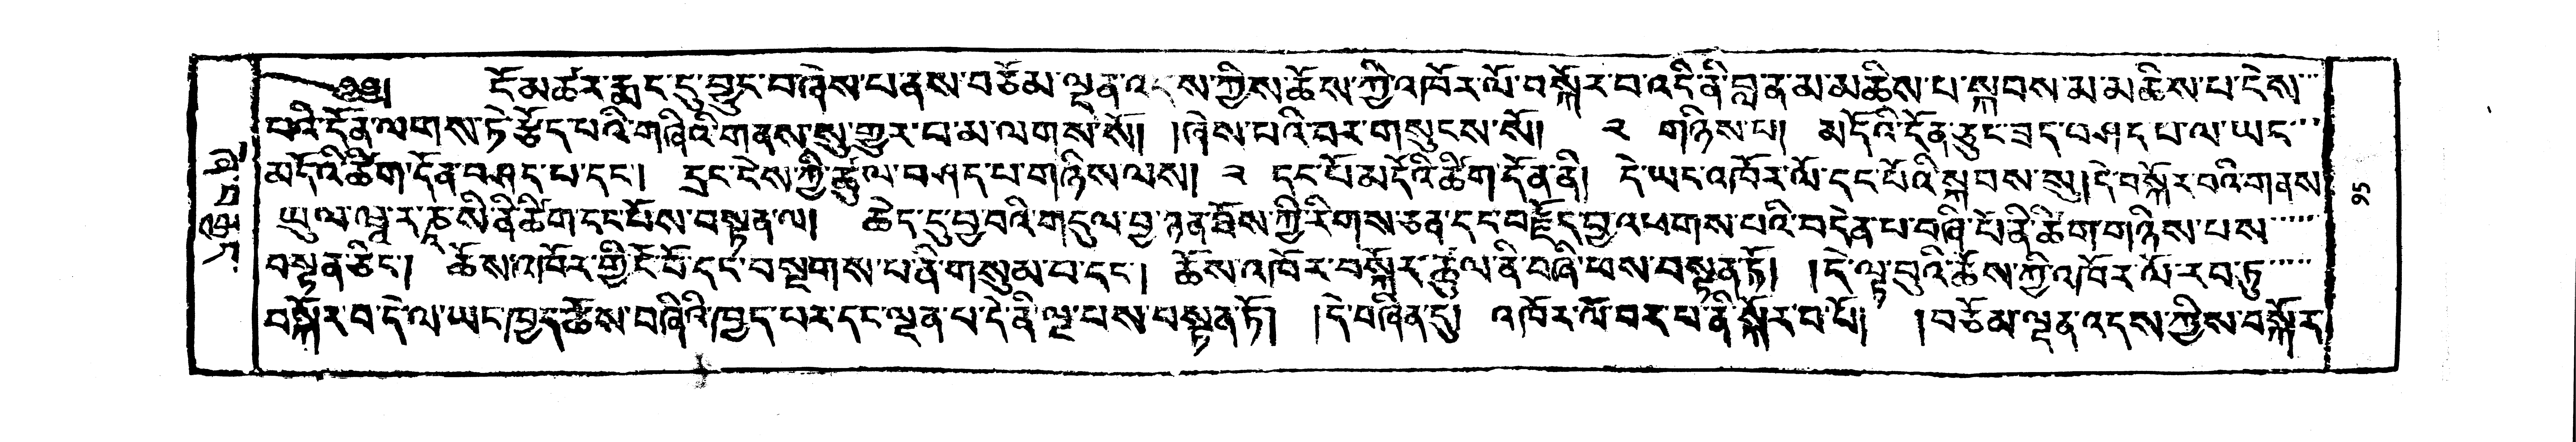༄༅། །ངོ་མཚར་རྨད་དུ་བྱུང་བ་ཞེས་པ་ནས་བཅོམ་ལྡན་འདས་ཀྱིས་ཆོས་ཀྱི་འཁོར་ལོ་བསྐོར་བ་འདི་ནི་བླ་ན་མ་མཆིས་པ་སྐབས་མ་མཆིས་པ་ངེས་
པའི་དོན་ལགས་ཏེ་རྩོད་པའི་གཞིའི་གནས་སུ་གྱུར་བ་མ་ལགས་སོ། །ཞེས་པའི་བར་གསུངས་སོ། ༢གཉིས་པ། མདོའི་དོན་ཅུང་ཟད་བཤད་པ་ལ་ཡང་
མདོའི་ཚིག་དོན་བཤད་པ་དང་། དྲང་ངེས་ཀྱི་ཚུལ་བཤད་པ་གཉིས་ལས། ༢དང་པོ་མདོའི་ཚིག་དོན་ནི། དེ་ཡང་འཁོར་ལོ་དང་པོའི་སྐབས་སུ། དེ་བསྐོར་བའི་གནས་
ཡུལ་ཝཱ་ར་ཎཱ་སི་ནི་ཚིག་དང་པོས་བསྟན་ལ། ཆེད་དུ་བྱ་བའི་གདུལ་བྱ་ཉན་ཐོས་ཀྱི་རིགས་ཅན་དང་བརྗོད་བྱ་འཕགས་པའི་བདེན་པ་བཞི་པོ་ནི་ཚིག་གཉིས་པས་
བསྟན་ཅིང་། ཆོས་འཁོར་གྱི་ངོ་བོ་དང་བསྔགས་པ་ནི་གསུམ་པ་དང་། ཆོས་འཁོར་བསྐོར་ཚུལ་ནི་བཞི་པས་བསྟན་ཏོ། །དེ་ལྟ་བུའི་ཆོས་ཀྱི་འཁོར་ལོ་རབ་ཏུ་
བསྐོར་བ་དེ་ལ་ཡང་ཁྱད་ཆོས་བཞིའི་ཁྱད་པར་དང་ལྡན་པ་དེ་ནི་ལྔ་པས་བསྟན་ཏོ། །དེ་བཞིན་དུ། འཁོར་ལོ་བར་པ་ནི་སྐོར་བ་པོ། །བཅོམ་ལྡན་འདས་ཀྱིས་བསྐོར་